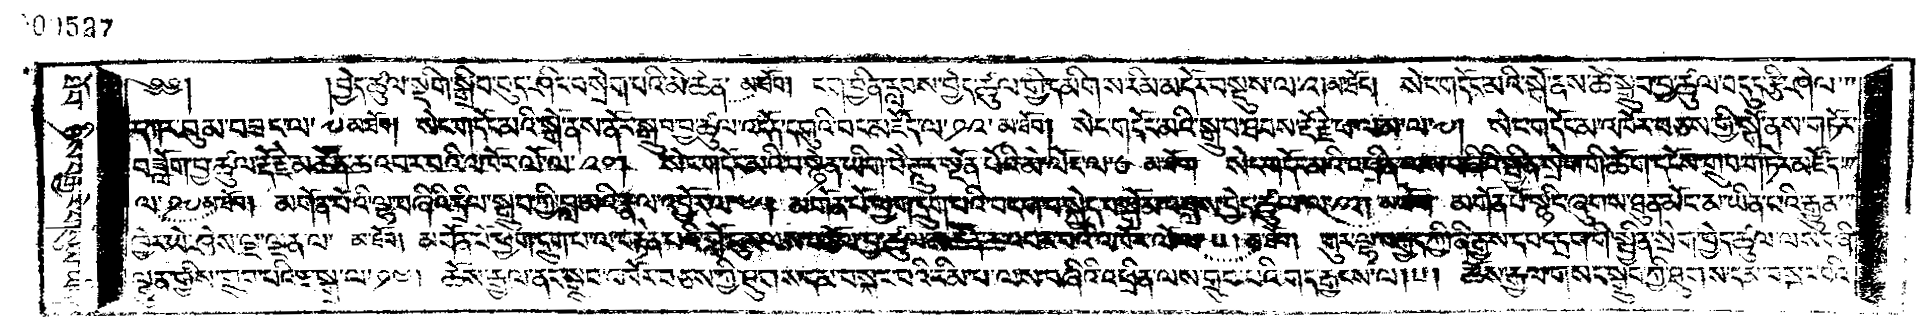༄༅། །བྱེད་ཚུལ་སྡིག་སྒྲིབ་བུད་ཤིང་བསྲེག་པའི་མེ་ཆེན་མ་ཐོབ།  ངག་བྱིན་རླབས་བྱེད་ཚུལ་གྱི་དམིགས་རིམ་མདོར་བསྡུས་ལ ༢། མ་ཐོང་། སེང་གདོང་མའི་སྒོ་ནས་ཚེ་སྒྲུབ་བྱ་ཚུལ་བདུད་རྩི་ཤེལ་
དཀར་བུམ་བཟང་ལ ༧་མ་ཐོབ།  སེང་གདོང་མའི་སྒོ་ནས་ནོར་སྒྲུབ་བྱ་ཚུལ་འདོད་དགུའི་བང་མཛོད་ལ ༡༢་མ་ཐོབ།  སེང་གདོང་མའི་སྒྲུབ་ཐབས་རྡོ་རྗེ་ཕ་ལམ་ལ ༧། སེང་གདོང་མ་འཁོར་བཅས་གྱི་སྒོ་ནས་གཏོར་
བཟློག་བྱ་ཚུལ་རྡོ་རྗེ་མཚོན་ཆ་འབར་བའི་འཁོར་ལོ་ལ ༢༠། སེང་གདོང་མའི་བསྙེན་ཡིག་བཻཊཱུར་སྔོན་པོའི་མེ་ལོང་ལ ༦་མ་ཐོབ།  སེང་གདོང་མའི་འཕྲིན་ལས་བཞིའི་སྦྱིན་སྲེག་གི་ཆོ་ག་དངོས་གྲུབ་གཏེར་མཛོད་
ལ་མ་ཐོབ།  མགོན་པོའི་ལྷ་བཞིའི་དྲིལ་སྒྲུབ་ཀྱི་བླ་མའི་རྣལ་འབྱོར་ལ ༤། མགོན་པོ་ཕྱག་དྲུག་པའི་བདག་བསྐྱེད་བསྒོམ་བཟླས་བྱེད་ཚུལ་ལ་མ་ཐོབ།  ༣་མགོན་པོ་སྙིང་ཞུགས་ཐུན་མོང་མ་ཡིན་པའི་རྒྱུན་
ཁྱེར་ཡེ་ཤེས་ལྔ་ལྡན་ལ་མ་ཐོབ།  མགོན་པོ་ཕྱག་དྲུག་པ་ལ་བརྟེན་པའི་གློ་བུར་ལས་བཅོལ་བྱ་ཚུལ་མཚོན་ཆ་འབར་བའི་འཁོར་ལོ་ལ ༥་མ་ཐོབ།  གུར་ལྷ་བརྒྱད་ཀྱི་ཞི་རྒྱས་དབང་དྲག་གི་སྦྱིན་སྲེག་བྱེད་ཚུལ་ལས་བཞི་
ལྷུན་གྱིས་གྲུབ་པའི་རྔ་སྒྲ་ལ ༡༤། ཆོས་རྒྱལ་ནང་སྒྲུབ་འཁོར་བཅས་ཀྱི་ཐུགས་དམ་བསྐང་བའི་རིམ་པ་ལས་བཞིའི་འཕྲིན་ལས་གྲུབ་པའི་གད་རྒྱངས་ལ། ༥། ཆོས་རྒྱལ་གསང་སྒྲུབ་ཀྱི་ཐུགས་དམ་བསྐང་བའི་